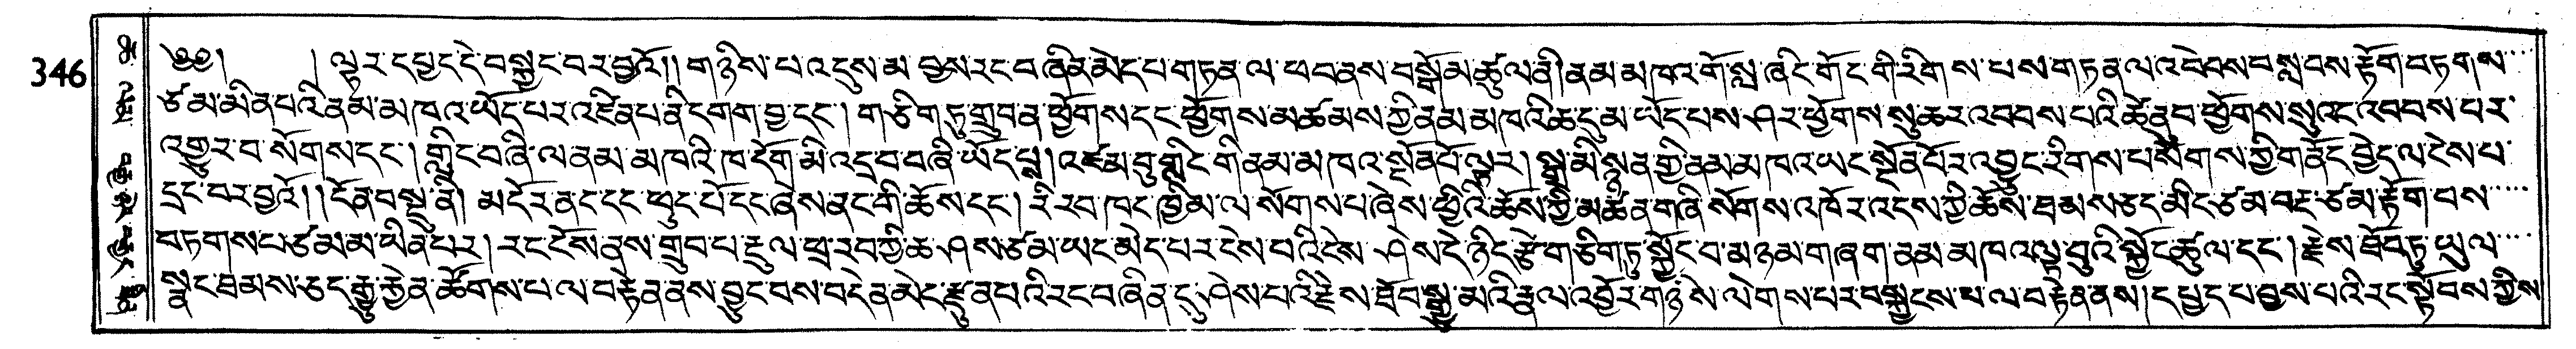༄༅། །ལྟར་དཔྱད་དེ་བསྐྱང་བར་བྱའོ། །གཉིས་པ་འདུས་མ་བྱས་རང་བཞིན་མེད་པ་གཏན་ལ་ཕབ་ནས་བསྒོམ་ཚུལ་ནི། ནམ་མཁའ་གོ་སླ་ཞིང་གོང་གི་རིགས་པས་གཏན་ལ་འབེབས་བསླ་བས་རྟོག་བཏགས་
ཙམ་མིན་པའི་ནམ་མཁའ་ཡོད་པར་འཛིན་པ་ནི་དགག་བྱ་དང་། གཅིག་ཏུ་གྲུབ་ན་ཕྱོགས་དང་ཕྱོགས་མཚམས་ཀྱི་ནམ་མཁའི་ཆ་དུ་མ་ཡོད་པས་ཤར་ཕྱོགས་སུ་ཆར་འབབས་པའི་ཚེ་ནུབ་ཕྱོགས་སུའང་འབབས་པར་
འགྱུར་བ་སོགས་དང་། གླིང་བཞི་ལ་ནམ་མཁའི་ཁ་དོག་མི་འདྲ་བ་བཞི་ཡོད་པས། འཛམ་བུ་གླིང་གི་ནམ་མཁའ་སྔོན་པོ་ལྟར། སྒྲ་མི་སྙན་གྱི་ནམ་མཁའ་ཡང་སྔོན་པོར་འབྱུང་རིགས་པ་སོགས་ཀྱི་གནོད་བྱེད་ལ་ངེས་པ་
དྲང་བར་བྱའོ། །དོན་བསྡུ་ནི། མདོར་ན་ང་དང་ཕུང་པོ་དང་ཞེས་ནང་གི་ཆོས་དང་། རི་རབ་ཁང་ཁྱིམ་ལ་སོགས་པ་ཞེས་ཕྱིའི་ཆོས་ཀྱི་མཚན་གཞི་སོགས་འཁོར་འདས་ཀྱི་ཆོས་ཐམས་ཅད་མིང་ཙམ་བརྡ་ཙམ་རྟོག་པས་
བཏགས་པ་ཙམ་མ་ཡིན་པར། རང་ངོས་ནས་གྲུབ་པ་རྡུལ་ཕྲ་རབ་ཀྱི་ཆ་ཤས་ཙམ་ཡང་མེད་པར་ངེས་པའི་ངེས་ཤེས་དེ་ཉིད་རྩེ་གཅིག་ཏུ་སྐྱོང་བ་མཉམ་གཞག་ནམ་མཁའ་ལྟ་བུའི་སྐྱོང་ཚུལ་དང་། རྗེས་ཐོབ་ཏུ་ཡུལ་
སྣང་ཐམས་ཅད་རྒྱུ་རྐྱེན་ཚོགས་པ་ལ་བརྟེན་ནས་བྱུང་བས་བདེན་མེད་རྫུན་པའི་རང་བཞིན་དུ་ཤེས་པའི་རྗེས་ཐོབ་སྒྱུ་མའི་རྣལ་འབྱོར་གཉིས་ལེགས་པར་བསྐྱངས་པ་ལ་བརྟེན་ནས། དཔྱད་པ་བྱས་པའི་རང་སྟོབས་ཀྱིས་